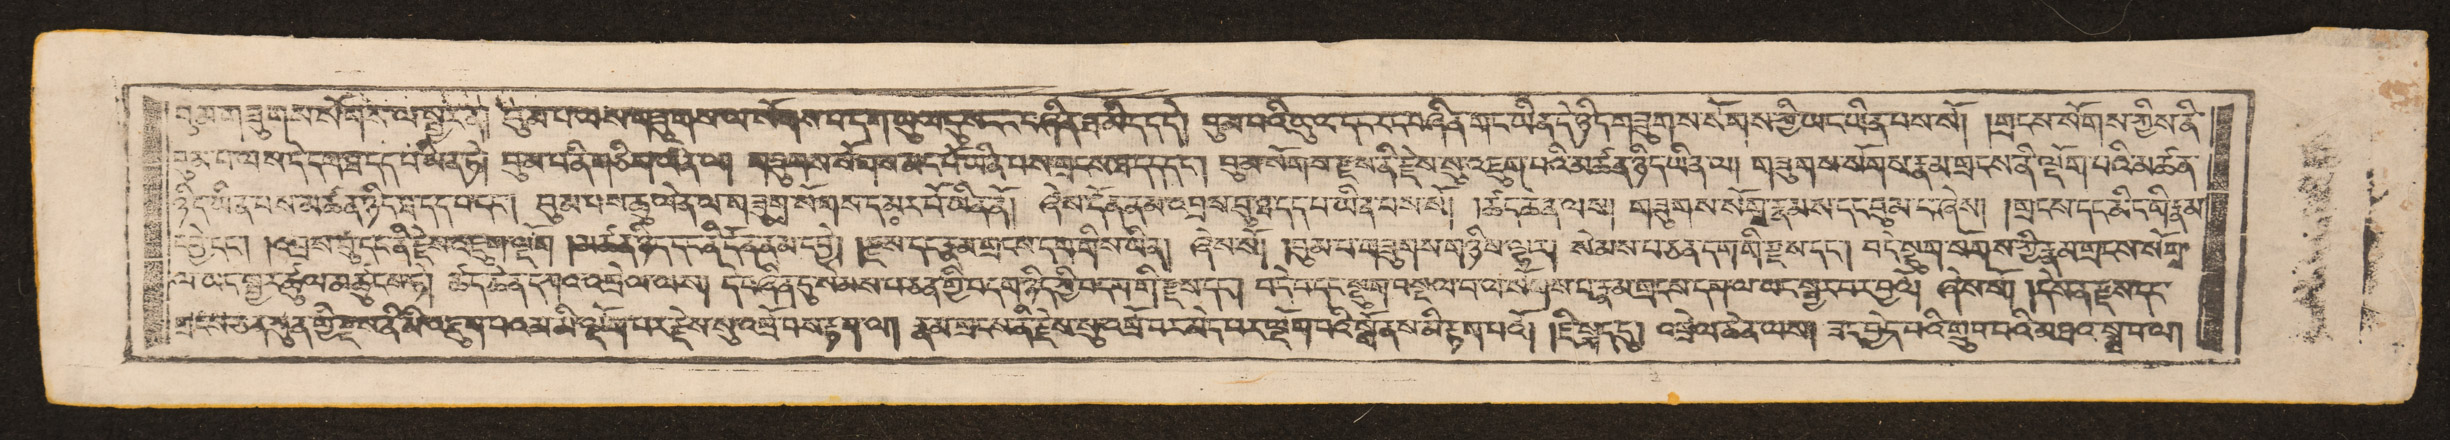བུམ་གཟུགས་སོགས་ལ་སྦྱར་ན། བུམ་པ་ལས་གཟུགས་ལ་སོགས་བདག་ཡུལ་དུས་རང་བཞིན་ཐ་མི་དད་དེ། བུམ་པའི་ཡུལ་དང་རང་བཞིན་གང་ཡིན་དེ་ཉིད་གཟུགས་སོགས་ཀྱི་ཡང་ཡིན་པས་སོ། །སྲངས་སོགས་ཀྱིས་ནི་
བུམ་པ་ལས་དེ་དག་ཐ་དད་པ་ཡིན་ཏེ། བུམ་པ་ནི་གཅིག་ཡིན་ལ། གཟུགས་སོགས་མང་པོ་ཡིན་པས་གྲངས་ཐ་དད་དང་། བུམ་སོགས་རྫས་ནི་རྗེས་སུ་འཇུག་པའི་མཚན་ཉིད་ཡིན་ལ། གཟུགས་སོགས་རྣམ་གྲངས་ནི་ལྡོག་པའི་མཚན་
ཉིད་ཡིན་པས་མཚན་ཉིད་ཐ་དད་པ་དང་། བུམ་པས་ཆུ་ལེན་ལ་གཟུགས་སོགས་དམར྾་པོ་ཡིན་ནོ། ཞེས་དོན་ནམ་འབྲས་བུ་ཐ་དད་པ་ཡིན་པས་སོ། །ཚད་ཆེན་ལས། གཟུགས་སོགས་རྣམས་དང་བུམ་བ་ཞེས། །གྲངས་དང་མིང་གི་རྣམ་
དབྱེ་དང་། །འབྲས་བུ་དང་ནི་རྗེས་འཇུག་ལྡོག །མཚན་ཉིད་དང་ནི་དོན་ནམ་དབྱེ། །རྫས་དང་རྣམ་གྲངས་དག་གིས་ཡིན། ཞེས་སོ། །བུམ་པ་གཟུགས་གཉིས་ལྟར། སེམས་པ་ཅན་དག་གི་རྫས་དང་། བདེ་སྡུག་སོགས་ཀྱི་རྣམ་གྲངས་སོགས་
ལ་ཡང་སྦྱར་ཚུལ་མཚུངས་ཏེ། ཚད་ཆེན་དཀའ་འགྲེལ་ལས། དེ་བཞིན་དུ་སེམས་པ་ཅན་གྱི་བདག་ཉིད་ཀྱི་བདག་གི་རྫས་དང་། བདེ་བ་དང་སྡུག་བསྔལ་བ་ལ་སོགས་པ་རྣམ་གྲངས་དག་ལ་ཡང་སྦྱར་བར་བྱའོ། ཞེས་སོ། །དེས་ན་རྫས་དང་
གྲངས་ཅན་ཀུན་གྱི་རྫས་ནི་མི་འཇུག་པའམ་མི་ལྡོག་པར་རྗེས་སུ་འགྲོ་བས་རྟག་ལ། རྣམ་གྲངས་ནི་རྗེས་སུ་འགྲོ་བར་མེད་པར་ལྡོག་པའི་སྒོ་ནས་མི་རྟག་པའོ། །ཇི་སྐད་དུ། འགྲེལ་ཆེན་ལས། ཟད་བྱེད་པའི་གྲུབ་པའི་མཐའ་སྨྲ་བ་ལ།